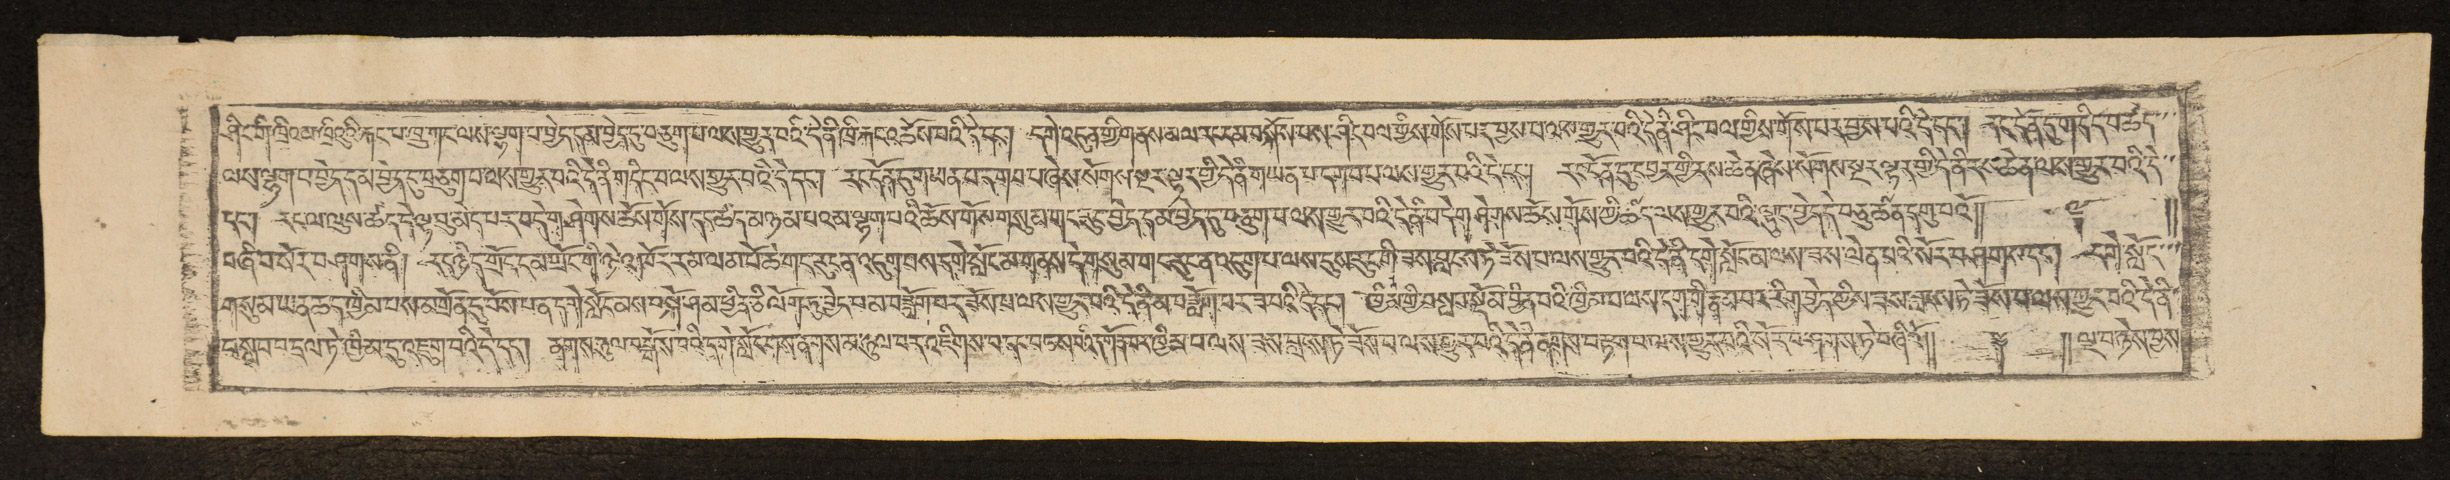ཤིང་གི་ཁྲིའམ་ཁྲིའུའི་རྐང་པ་ཁྲུ་གང་ལས་ལྷག་པ་བྱེད་དམ་བྱེད་དུ་བཅུག་པ་ལས་གྱུར་བའི་དེ་ནི་ཁྲི་རྐང་འཆོས་པའི་དེ་དང་། དགེ་འདུན་གྱི་གནས་མལ་རང་དམ་བསྐོས་པས་ཤིང་བལ་གྱིས་གོས་པར་བྱས་པ་ལས་གྱུར་བའི་དེ་ནི་ཤིང་བལ་གྱིས་གོས་པར་བྱས་པའི་དེ་དང་། རང་དོན་དུ་གདིང་བ་ཚད་
ལས་ལྷག་པ་བྱེད་དམ་བྱེད་དུ་བཅུག་པ་ལས་གྱུར་བའི་དེ་ནི་གདིང་བ་ལས་གྱུར་བའི་དེ་དང་། རང་དོན་དུ་གཡན་པ་དགབ་པ་ཞེས་སོགས་སྔར་ལྟར་གྱི་དེ་ནི་གཡན་པ་དགབ་པ་ལས་གྱུར་བའི་དེ་དང་། རང་དོན་དུ་དབྱར་གྱི་རས་ཆེན་ཞེས་སོགས་སྔར་ལྟར་གྱི་དེ་ནི་རས་ཆེན་ལས་གྱུར་བའི་དེ་
དང་། རང་ལ་ལུས་ཚད་དེ་ལྟ་བུ་མེད་པར་བདེ་གཤེགས་ཆོས་གོས་དང་ཚད་མཉམ་པའམ་ལྷག་པའི་ཆོས་གོས་གསུམ་གང་རུང་བྱེད་དམ་བྱེད་དུ་བཅུག་པ་ལས་གྱུར་བའི་དེ་ནི་བདེ་གཤེགས་ཆོས་གོས་ཀྱི་ཚད་ལས་གྱུར་བའི་ལྟུང་བྱེད་དེ་བཅུ་ཚན་དགུ་པའོ།། ༈ །།
བཞི་བ་སོར་བཤགས་ནི། རང་ཉིད་གྲོང་ངམ་གྲོང་གི་ཉེ་འཁོར་རམ་ལམ་པོ་ཆེ་གང་རུང་ན་འདུག་པས་དགེ་སློང་མ་གནས་དེ་གསུམ་གང་རུང་ན་འདུག་པ་ལས་དུས་རུང་གི་ཟས་བླངས་ཏེ་ཟོས་པ་ལས་གྱུར་བའི་དེ་ནི་དགེ་སློང་མ་ལས་ཟས་ལེན་པའི་སོར་བཤགས་དང་། དགེ་སློང་
གསུམ་ཡན་ཆད་ཁྱིམ་པས་མགྲོན་དུ་བོས་བ་ན་དགེ་སློང་མས་བསྐོག་མ་ཕྱིན་ཅི་ལོག་ཏུ་བྱེད་པ་མ་བཟློག་པར་ཟོས་པ་ལས་གྱུར་པའི་དེ་ནི་མ་བཟློག་པར་ཟ་བའི་དེ་དང་། ཁྱིམ་གྱི་བསླབ་སྔོམ་བྱིན་པའི་ཁྱིམ་པ་ལས་དག་གི་རྣམ་པར་རིག་བྱེད་ཀྱིས་ཟས་བླངས་ཏེ་ཟོས་པ་ལས་གྱུར་བའི་དེ་ནི་
བསླབ་པ་དྲལ་ཏེ་ཁྱིམ་དུ་འཇུག་པའི་དེ་དང་། ནགས་ཉུལ་བསྒོས་པའི་དགེ་སློང་གིས་ནགས་མ་ཉུལ་བར་འཇིགས་པ་དང་བཅས་པའི་དགོན་པར་ཁྱིམ་པ་ལས་ཟས་བླངས་ཏེ་ཟོས་བ་ལས་གྱུར་བའི་དེ་ནི་ནགས་བརྟག་པ་ལས་གྱུར་བའི་སོར་བཤགས་ཏེ་བཞིའོ།། ༈ །།ལྔ་པ་ཉེས་བྱས་